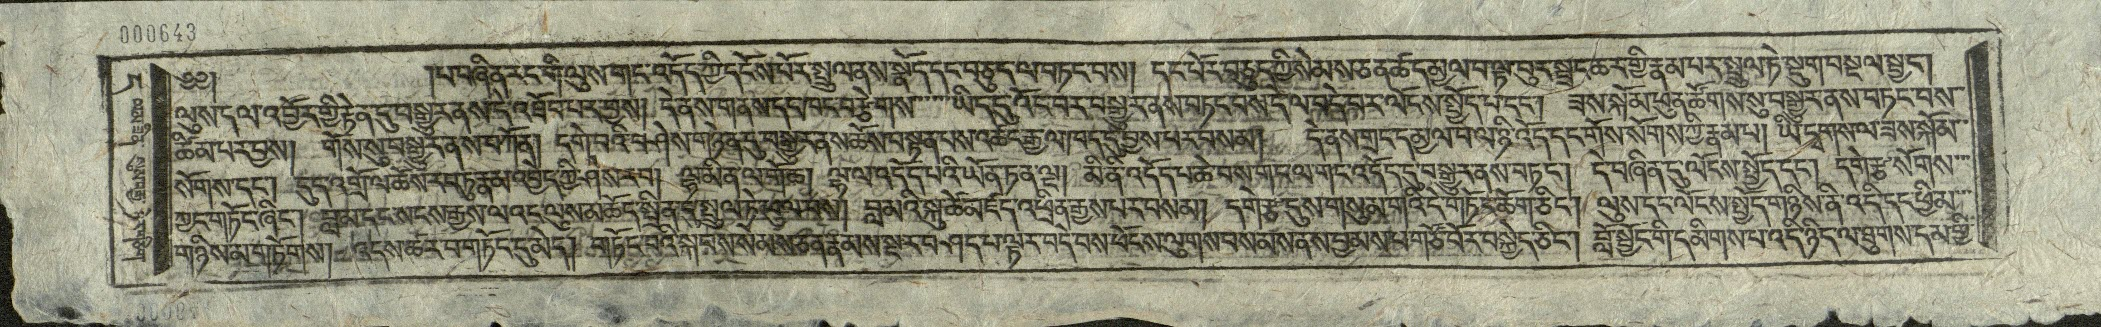༄༅། །པ་བཞིན་རང་གི་ལུས་གང་འདོད་ཀྱི་དངོས་པོར་སྤྲུལ་ནས་སྣོད་དང་བཅུད་ལ་བཏང་བས། དང་པོར་བཅུད་ཀྱི་སེམས་ཅན་ཚ་དམྱལ་བ་ལྟ་བུར་སྦྲང་ཆར་གྱི་རྣམ་པར་སྤྲུལ་ཏེ་སྡུག་བསྔལ་སྦྱང་།
ལུས་དལ་འབྱོར་གྱི་རྟེན་དུ་བསྒྱུར་ནས་དེ་འཐོབ་པར་བྱས། དེ་ནས་གནས་དང་ཁང་བརྩེགས་ཡིད་དུ་འོང་བར་བསྒྱུར་ནས་བཏང་བས་དེ་ལ་བདེ་བར་ལོངས་སྤྱོད་པ་དང་། ཟས་སྐོམ་ཕུན་ཚོགས་སུ་བསྒྱུར་ནས་བཏང་བས་
ཚིམ་པར་བྱས། གོས་སུ་བསྒྱུར་ནས་བཀོན། དགེ་བའི་བཤེས་གཉེན་དུ་བསྒྱུར་ནས་ཆོས་བསྟན་པས་འཚང་རྒྱ་ལ་ཁད་དུ་བྱས་པར་བསམ། དེ་ནས་གྲང་དམྱལ་བ་ལ་ཉི་འོད་དང་གོས་སོགས་ཀྱི་རྣམ་པ། ཡི་དྭགས་ལ་ཟས་སྐོམ་
སོགས་དང་། དུད་འགྲོ་ལ་ཆོས་རབ་ཏུ་རྣམ་འབྱེད་ཀྱི་ཤེས་རབ། ལྷ་མིན་ལ་གོ་ཆ། ལྷ་ལ་འདོད་པའི་ཡོན་ཏན་ལྔ། མི་ནི་འདོད་པ་ཆེ་བས་གང་ལ་གང་འདོད་དུ་བསྒྱུར་ནས་བཏང་། དེ་བཞིན་དུ་ལོངས་སྤྱོད་དང་། དགེ་རྩ་སོགས་
ཀྱང་གཏོང་ཞིང་། བླ་མ་དང་སངས་རྒྱས་ལའང་ལུས་མཆོད་སྤྲིན་དུ་སྤྲུལ་ཏེ་ཕུལ་བས། བླ་མའི་སྐུ་ཚེ་མཛད་འཕྲིན་རྒྱས་པར་བསམ། དགེ་རྩ་དུས་གསུམ་གའི་དེ་གཏོང་ཆོག་ཅིང་། ལུས་དང་ལོངས་སྤྱོད་གཉིས་ནི་འདི་དང་ཕྱི་མ་
གཉིས་མ་གཏོགས། འདས་ཚར་བ་གཏོང་དུ་མེད། གཏོང་བའི་སྐབས་སེམས་ཅན་རྣམས་སྔར་བཤད་པ་ལྟར་བདེ་བས་ཕོངས་ལུགས་བསམས་ནས་བྱམས་པ་གཙོ་བོར་བསྐྱེད་ཅིང་། བློ་སྦྱོང་གི་དམིགས་པ་འདི་ཉིད་ལ་ཐུགས་དམ་གྱི་